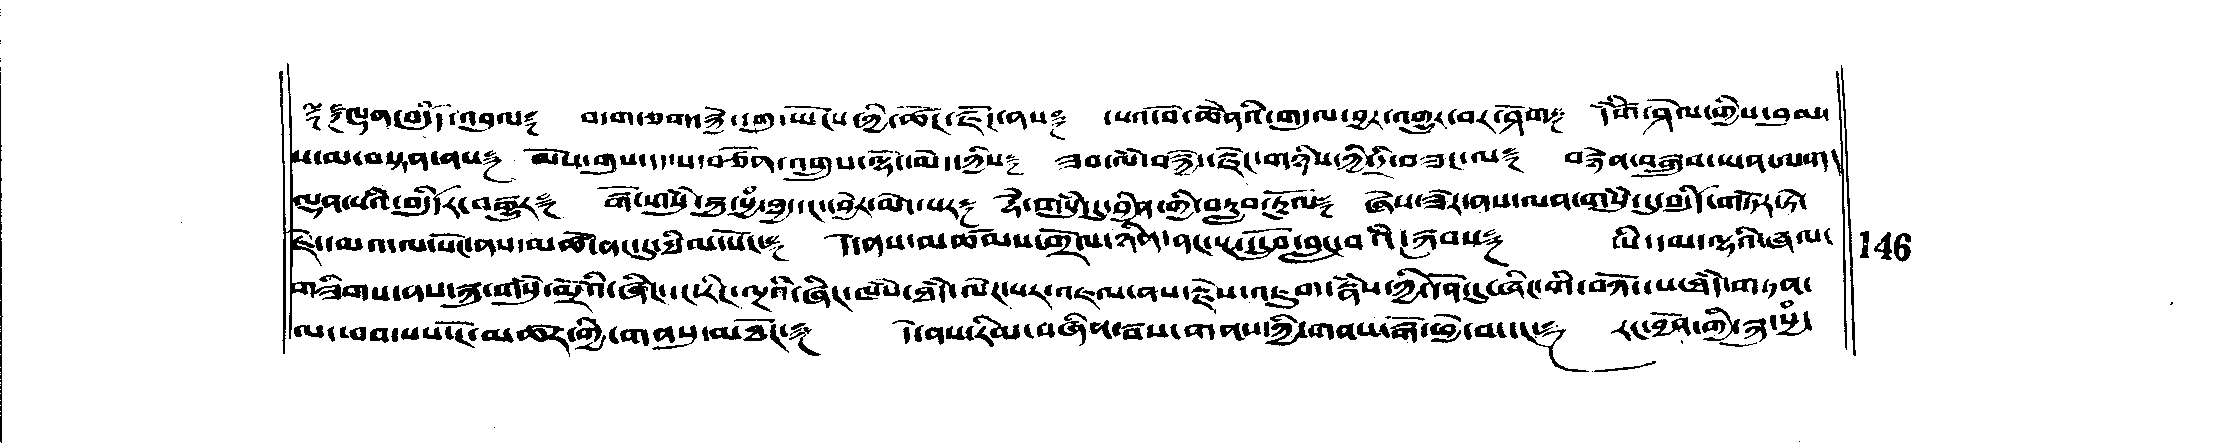ལྡན་བདུད་རྩི་འབུལ། །བདག་ཅག་སྐྱེ་དགུ་ཡོངས་ཀྱི་ཚོགས་རྫོགས་ནས། །དཔའ་བོ་ཆེན་པོའི་གདུལ་བྱར་འགྱུར་བར་ཤོག །དམ་ཚིག་ཤེལ་གྱི་བུམ་
པ་མ་བསྟན་ནས། །མོས་གུས་དད་པ་བརྩོན་འགྲུས་ལྷོད་མེད་ཀྱིས། །ཟབ་ལམ་བསྐྱེད་རྫོགས་གཉིས་ཀྱི་དྲི་བཟང་ལ། །བསྙེན་བསྒྲུབ་ཡན་ལག་
ལྡན་པའི་བདུད་རྩིར་བསྒྱུར། སྒོ་གསུམ་སྐུ་གསུང་ཐུགས་དང་དབྱེར་མེད་པར། །རྡོ་རྗེ་གསུམ་དུ་བྱིན་གྱི་བརླབ་ཏུ་གསོལ། །ཞེས་ཟེར་ནས་ལན་གསུམ་དུ་བདུད་རྩི་གཏོར་ཏེ་
ཇེ་དམའ་ལ་སོང་ནས་མཚོ་ནང་དུ་ཐིམ་སོང་། དེ་ནས་མཚམས་གྲོལ་ཉིན་ནངས་པ་དངོས་གྲུབ་བླང་བའི་སྐབས། ཡི་དམ་ལྷའི་ཞལ་
གཟིགས་ནས་སྐུ་གསུམ་མཁའ་འགྲོའི་ཞིང་དང་རིགས་ལྔའི་ཞིང་ཁམས་ཐམས་ཅད་ལེགས་པར་མཇལ་ནས་རྗེས་འཇུག་རྣམས་ཀྱི་དོན་དུ་ཞིང་གི་བཀོད་པ་ཐམས་ཅད་གཏན་
ལ་ཕབ་པས་ངོ་མཚར་གྱི་གནས་སུ་མཐོང་། དེ་ནས་རིམ་བཞིན་སྦས་གནས་ཀྱི་གནས་སྒོ་ཕྱེ་བ་དང་། རང་བྱོན་གྱི་སྐུ་གསུང་